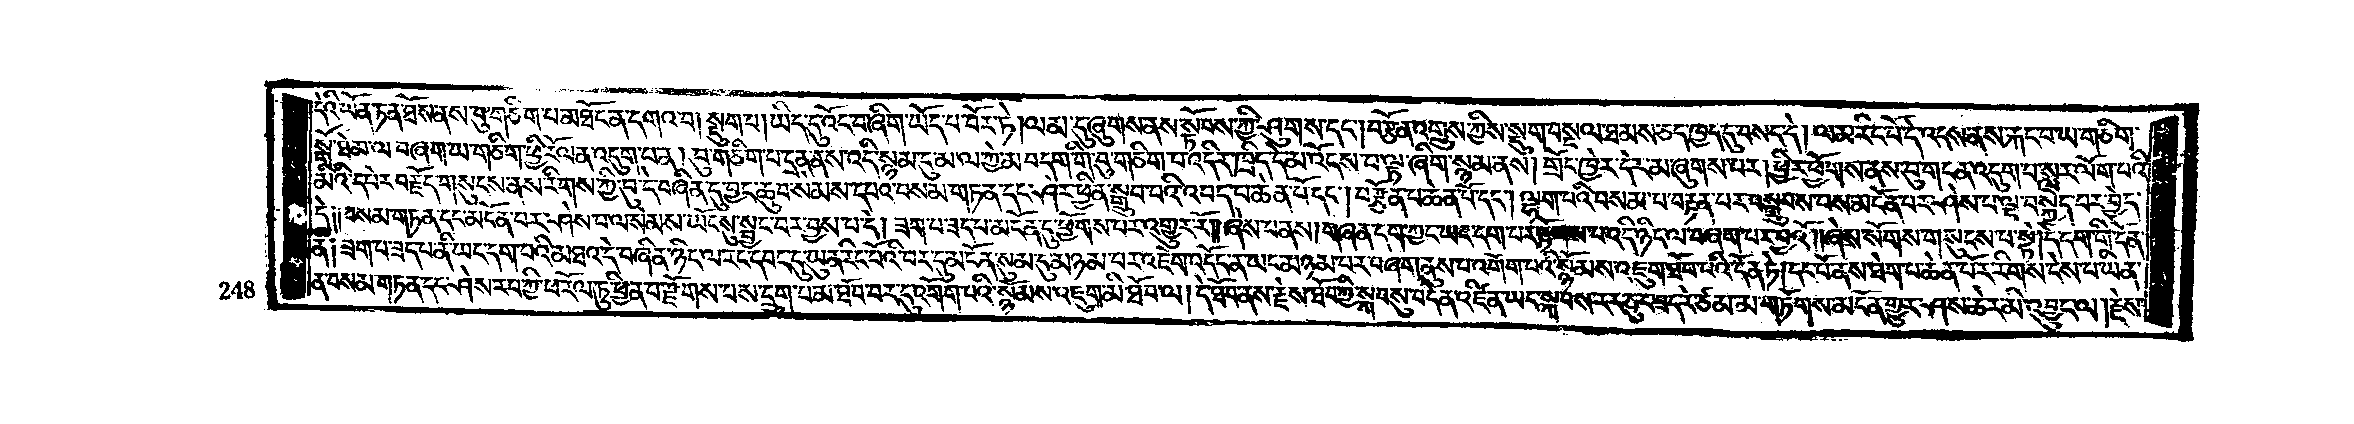དེའི་ཡོན་ཏན་ཐོས་ནས་བུ་གཅིག་པ་མཐོང་ན་དགའ་བ། སྡུག་པ། ཡིད་དུ་འོང་བ་ཞིག་ཡོད་པ་པོར་ཏེ། །ལམ་དུ་ཞུགས་ནས་སྟོབས་ཀྱི་ཤུགས་དང་། བརྩོན་འགྲུས་ཀྱིས་སྡུག་བསྔལ་ཐམས་ཅད་ཁྱད་དུ་བསད་དེ། ལམ་རིང་པོ་དེ་འདས་ནས་རྐང་པ་ཡ་གཅིག་
སྒོ་ཐེམ་ལ་བཞག་ཡ་གཅིག་ཕྱི་རོལ་ན་འདུག་པ་ན། བུ་གཅིག་པ་དྲན་ནས་འདི་སྙམ་དུ་མ་ལ་ཀྱེ་མ་བདག་གི་བུ་གཅིག་པ་འདིར་ཁྲིད་དེ་མ་འོངས་པ་ལྟ་ཞིག་སྙམ་ནས། གྲོང་ཁྱེར་དེར་མ་ཞུགས་པར། ཕྱིར་ཕྱོགས་ནས་བུ་གང་ན་འདུག་པ་སླར་ལོག་པའི་
མིའི་དཔེར་བརྗོད་གསུངས་ནས་རིགས་ཀྱི་བུ་དེ་བཞིན་དུ་བྱང་ཆུབ་སེམས་དཔའ་བསམ་གཏན་དང་ཤེར་ཕྱིན་སྒྲུབ་པའི་འབད་པ་ཆེན་པོ་དང་། བརྩོན་པ་ཆེན་པོ་དང་། ལྷག་པའི་བསམ་པ་བརྟན་པར་བསྒྲུབས་པས་མངོན་པར་ཤེས་པ་ལྔ་བསྐྱེད་པར་བྱེད་
དེ༑ ༑བསམ་གཏན་དང་མངོན་པར་ཤེས་པ་ལ་སེམས་ཡོངས་སུ་སྦྱང་བར་བྱས་པ་དེ། ཟག་པ་ཟད་པ་མངོན་དུ་ཕྱོགས་པར་འགྱུར་རོ། །ཞེས་པ་ནས། གཞན་དག་ཀྱང་ཡང་དག་པར་རྟོགས་པ་འདི་ཉིད་ལ་བཞག་པར་བྱའོ། །ཞེས་སོགས་གསུངས་པ་སྟེ། དེ་དག་གི་དོན་
ནི༑ ཟག་པ་ཟད་པ་ནི་ཡང་དག་པའི་མཐའ་དེ་བཞིན་ཉིད་ལ་རང་དབང་དུ་ཡུན་རིང་པོའི་བར་དུ་མངོན་སུམ་དུ་མཉམ་པར་འཇིག་འདོད་ན་ཡང་མཉམ་པར་བཞག་ནུས་པ་འགོག་པའི་སྙོམས་འཇུག་ཐོབ་པའི་དོན་ཏེ། དང་པོ་ནས་ཐེག་པ་ཆེན་པོར་རིགས་ངེས་པ་ཡིན་
ན་བསམ་གཏན་དང་ཤེས་རབ་ཀྱི་ཕ་རོལ་ཏུ་ཕྱིན་པ་རྫོགས་པས་དྲུག་པ་མ་ཐོབ་པར་དུ་འགོག་པའི་སྙོམས་འཇུག་མི་ཐོབ་ལ། དེ་ཐོབ་ནས་རྗེས་ཐོབ་ཀྱི་སྐབས་སུ་བདེན་འཛིན་ཡང་སྐབས་རང་ཅུང་ཟད་རེ་ཙམ་མ་གཏོགས་མངོན་གྱུར་ཤས་ཆེར་མི་འབྱུང་ལ། རྗེས་